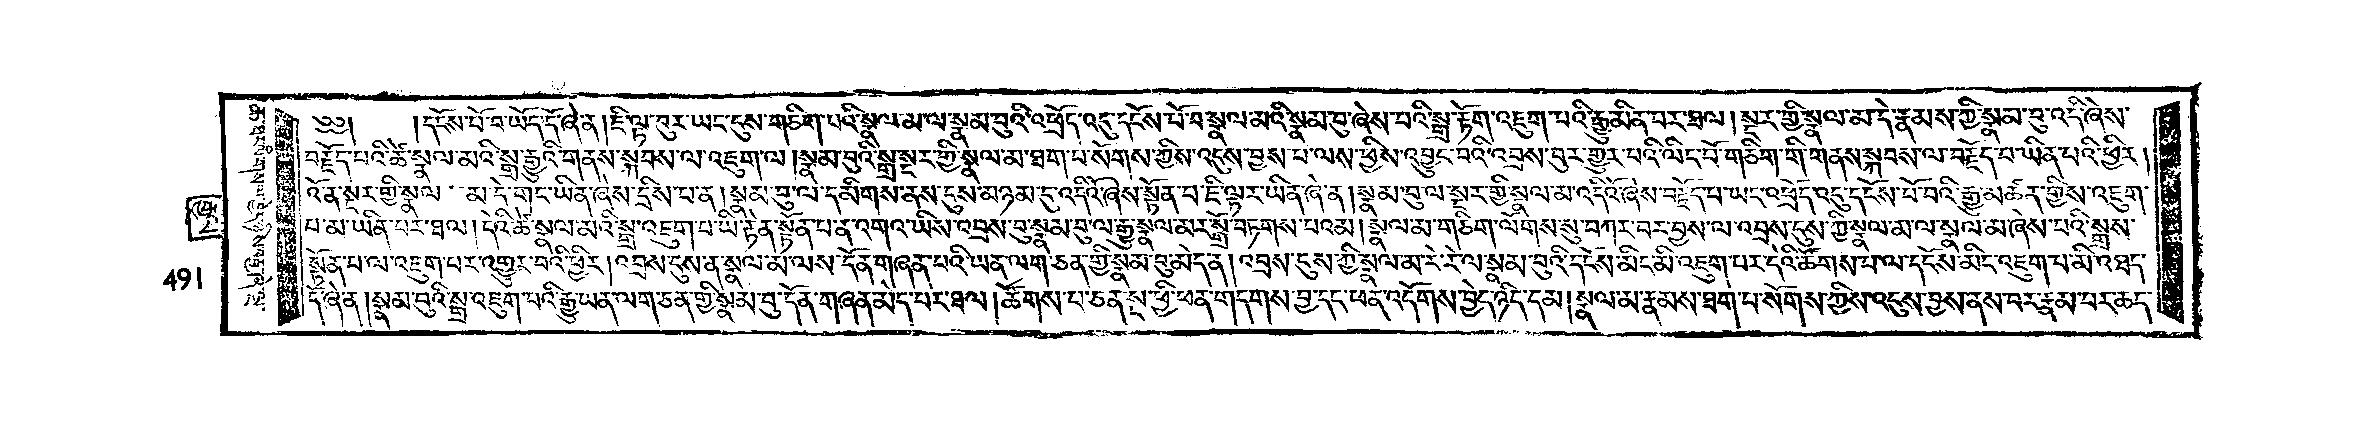༄༅། །དངོས་པོ་བ་ཡོད་དོ་ཞེ་ན། ཇི་ལྟ་བུར་ཡང་དུས་གཅིག་པའི་སྣལ་མ་ལ་སྣམ་བུའི་འཕྲོད་འདུ་དངོས་པོ་བ་སྣལ་མའི་སྣམ་བུ་ཞེས་པའི་སྒྲ་རྟོག་འཇུག་པའི་རྒྱུ་མིན་པར་ཐལ། སྔར་གྱི་སྣལ་མ་དེ་རྣམས་ཀྱི་སྣམ་བུ་འདི་ཞེས་
བརྗོད་པའི་ཚེ་སྣལ་མའི་སྒྲ་རྒྱུའི་གནས་སྐབས་ལ་འཇུག་ལ། སྣམ་བུའི་སྒྲ་སྔར་གྱི་སྣལ་མ་ཐག་པ་སོགས་ཀྱིས་འདུས་བྱས་པ་ལས་ཕྱིས་འབྱུང་བའི་འབྲས་བུར་གྱུར་པའི་ལིང་པོ་གཅིག་གི་གནས་སྐབས་ལ་བརྗོད་པ་ཡིན་པའི་ཕྱིར།
འོ་ན་སྔར་གྱི་སྣལ་མ་དེ་གང་ཡིན་ཞེས་དྲིས་པ་ན། སྣམ་བུ་ལ་དམིགས་ནས་དུས་མཉམ་དུ་འདིའོ་ཞེས་སྟོན་པ་ཇི་ལྟར་ཡིན་ཞེ་ན། སྣམ་བུ་ལ་སྔར་གྱི་སྣལ་མ་འདིའོ་ཞེས་བརྗོད་པ་ཡང་འཕྲོད་འདུ་དངོས་པོ་བའི་རྒྱུ་མཚན་གྱིས་འཇུག་
པ་མ་ཡིན་པར་ཐལ། དེའི་ཚེ་སྣལ་མའི་སྒྲ་འཇུག་པ་ཡི་རྟེན་སྟོན་པ་ན་འགའ་ཡིས་འབྲས་བུ་སྣམ་བུ་ལ་རྒྱུ་སྣལ་མར་སྒྲོ་བཏགས་པའམ། སྣལ་མ་གཅིག་ལོགས་སུ་བཀར་བར་བྱས་ལ་འབྲས་དུས་ཀྱི་སྣལ་མ་ལ་སྣལ་མ་ཞེས་པའི་སྒྲས་
སྟོན་པ་ལ་འཇུག་པར་འགྱུར་བའི་ཕྱིར། འབྲས་དུས་ན་སྣལ་མ་ལས་དོན་གཞན་པའི་ཡན་ལག་ཅན་གྱི་སྣམ་བུ་མེད་ན། འབྲས་དུས་ཀྱི་སྣལ་མ་རེ་རེ་ལ་སྣམ་བུའི་དངོས་མིང་མི་འཇུག་པར་དེའི་ཚོགས་པ་ལ་དངོས་མིང་འཇུག་པ་མི་འཐད་
དོ་ཞེ་ན། སྣམ་བུའི་སྒྲ་འཇུག་པའི་རྒྱུ་ཡན་ལག་ཅན་གྱི་སྣམ་བུ་དོན་གཞན་མེད་པར་ཐལ། ཚོགས་པ་ཅན་སྔ་ཕྱི་ཕན་གདགས་བྱ་དང་ཕན་འདོགས་བྱེད་ཉིད་དམ། སྣལ་མ་རྣམས་ཐག་པ་སོགས་ཀྱིས་འདུས་བྱས་ནས་བར་རྣམ་པར་ཚད་